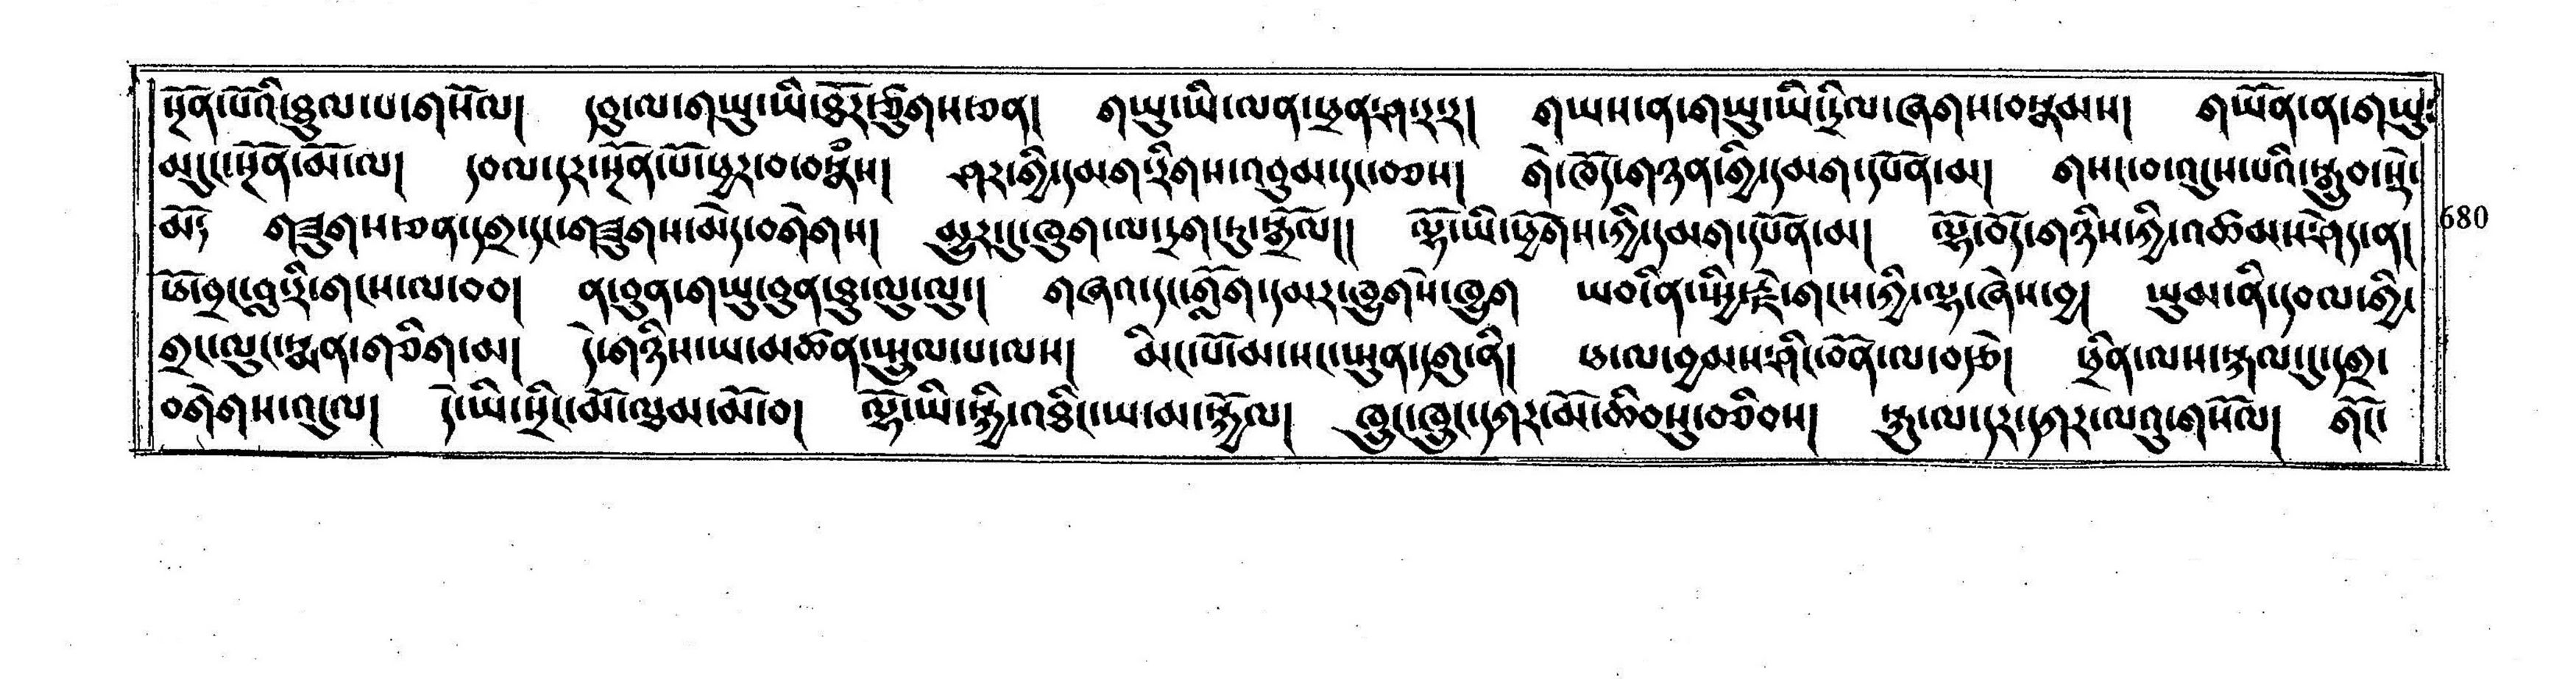སྔོན་པོའི་ཐུལ་པ་གསོལ། དབུ་ལ་གཡུ་ཡི་ཐོར་ཙུགས་ཅན། གཡུ་ཡི་ལན་ཕྲན་ཤ་ར་ར། གཡས་ན་གཡུ་ཡི་དྲིལ་ཞགས་བསྣམས། གཡོན་ན་གཡུ་
མདུང་སྔོན་མོ་ལ། དབལ་དར་སྔོན་པོ་ཕྱར་བ་བསྣམས། ཤར་གྱི་དམག་རིགས་འབུམ་དང་བཅས། གེ་ཁོད་གཉན་གྱི་དམག་དཔོན་མ། གསང་བ་འདུས་པའི་སྒྲུབ་སྡེ་
མོ། གཟུགས་ཅན་དགྲ་དང་གཟུགས་མེད་བགེགས། མྱུར་དུ་ཁུག་ལ་དྲག་ཏུ་སྒྲོལ།། ལྷོ་ཡི་ཕྱོགས་ཀྱི་དམག་དཔོན་མ། ལྷོ་བོད་གཉིས་ཀྱི་འཚམས་ཤེད་ན། 
ཕོ་བྲང་བླ་རི་གངས་ལ་བབ། ན་བུན་གཡུ་བུན་ཐུ་ལུ་ལུ། གཞའ་དང་གློག་དམར་ཁྱུགསེ་ཁྱུག ཡབ་ནི་སྤྱི་རྗེ་གངས་ཀྱི་ལྷ་ཞེས་བྱ། ཡུམ་ནི་དབལ་གྱི་
གྲང་ལུང་སྨན་གཅིག་མ། དེ་གཉིས་ཡ་མཚན་སྤྲུལ་པ་ལས། མིང་པོ་མ་སང་སྤུན་དགུ་ནི། ཕ་ལ་བྱམས་ཤིང་བོན་ལ་བརྩེ། ཕྲིན་ལས་སྐལ་དུ་དགྲ་
བགེགས་འདུལ། དེ་ཡི་སྲིང་མོ་ལྕམ་མོ་བ། ལྷོ་ཡི་སྐྱི་འཐིང་ཡ་མ་སྐྱོལ། ཁྲུང་ཁྲུང་དཀར་མོ་ཆིབས་སུ་བཅིབས། སྐུ་ལ་དར་དཀར་ལའུ་གསོལ། གོང་